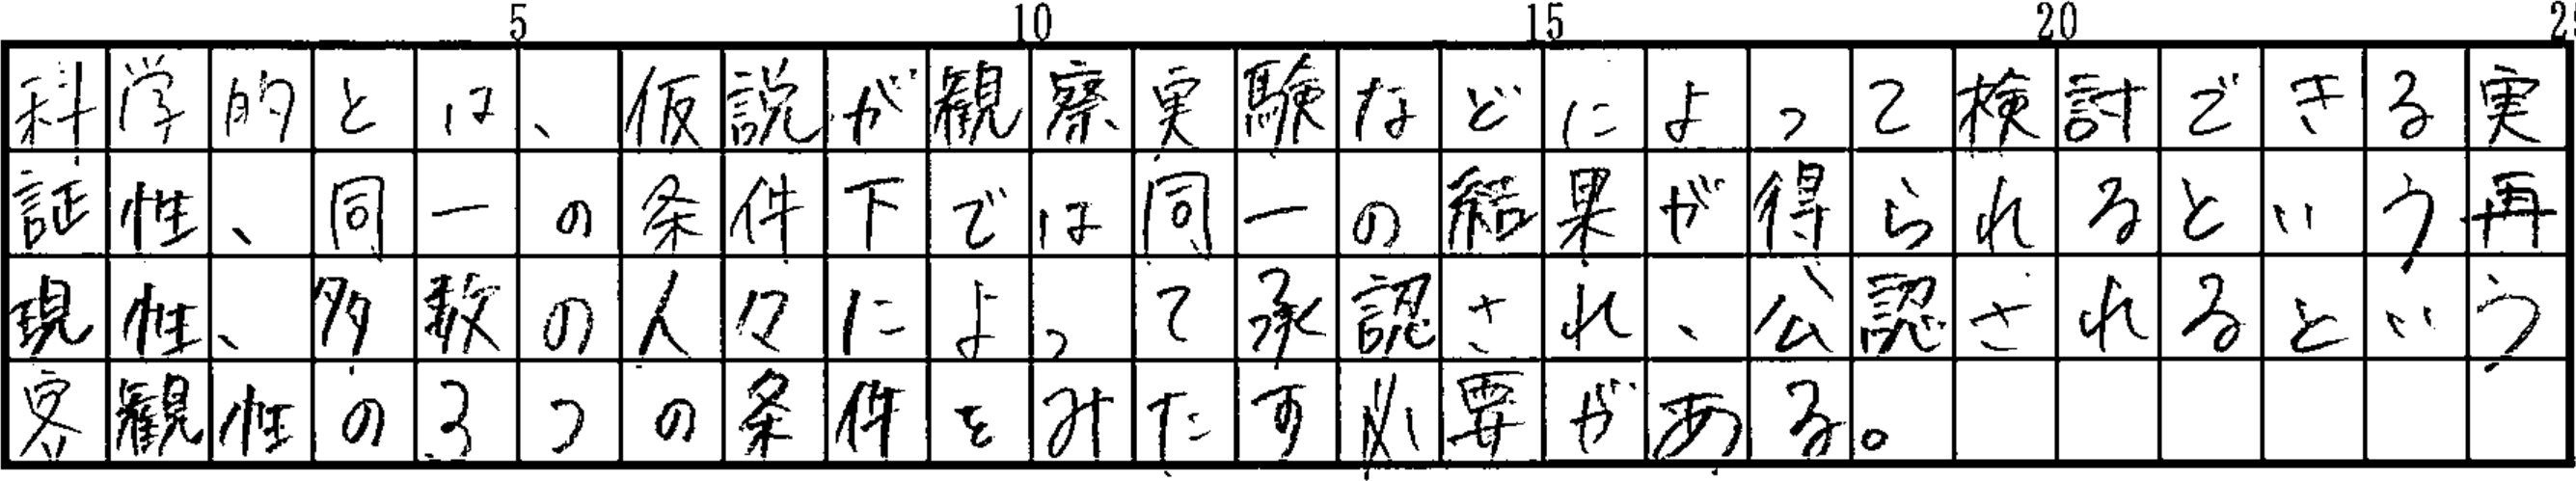科学的とは、仮説が観察実験などによって検討できる実証性、同一の条件下では同一の結果が得られるという再現性、多数の人々によって承認され、公認されるという客観性の３つの条件をみたす必要がある。
